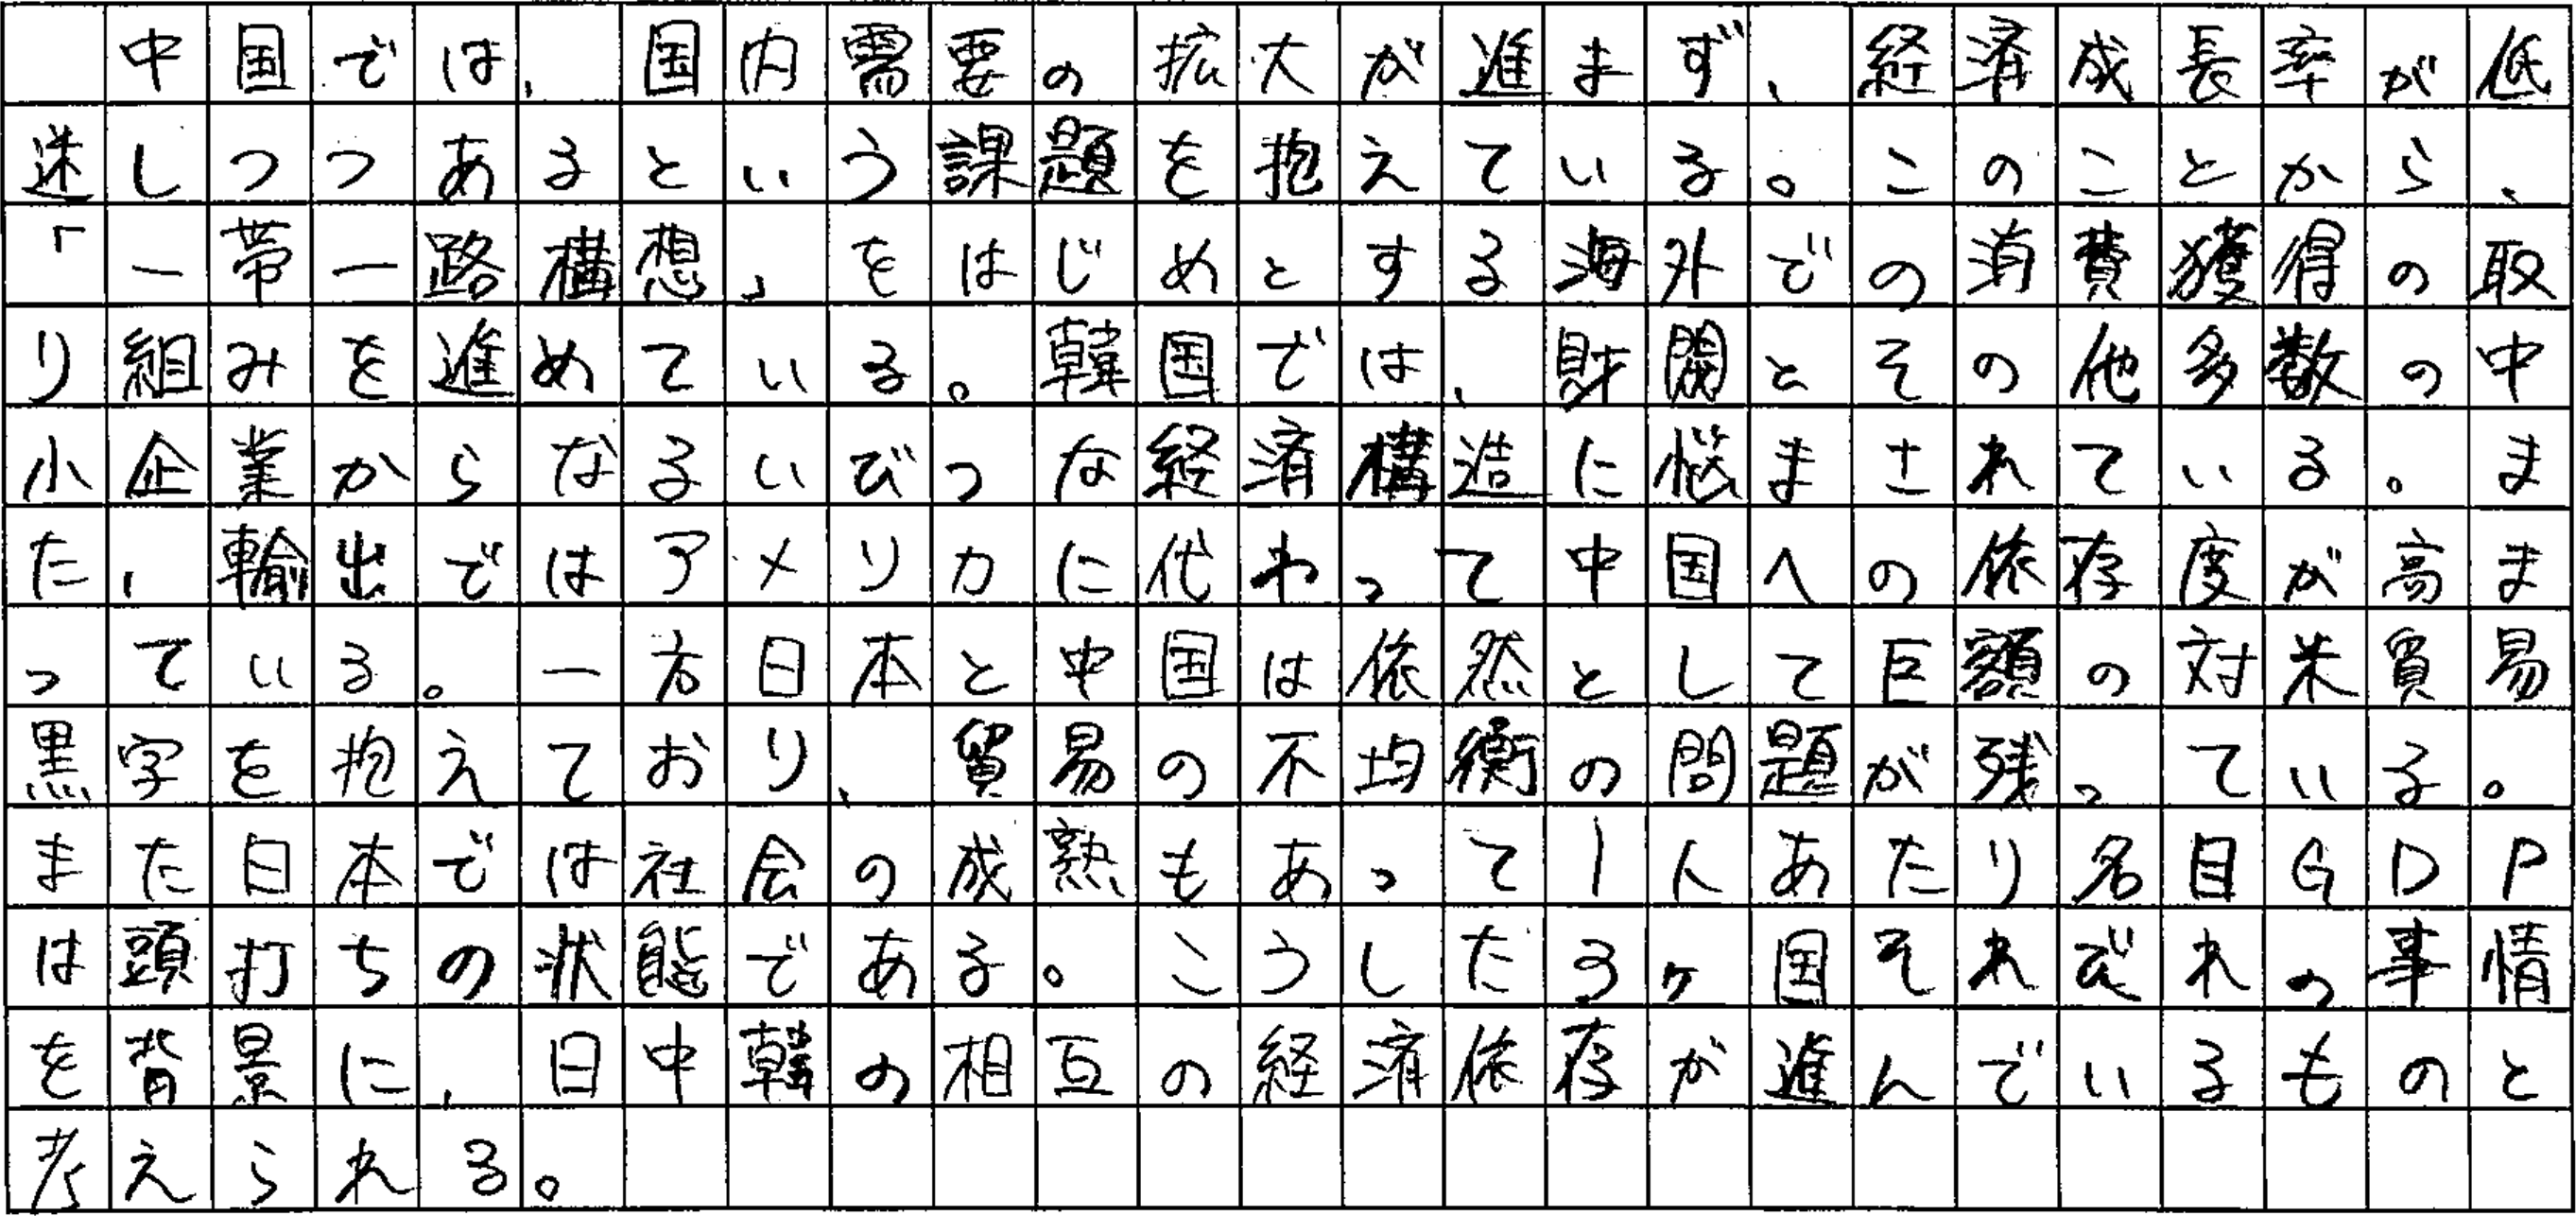　中国では、国内需要の拡大が進まず、経済成長率が低迷しつつあるという課題を抱えている。このことから、「一帯一路構想」をはじめとする海外での消費獲得の取り組みを進めている。韓国では、財閥とその他多数の中小企業からなるいびつな経済構造に悩まされている。また，輸出ではアメリカに代わって中国への依存度が高まっている。一方日本と中国は依然として巨額の対米貿易黒字を抱えており、貿易の不均衡の問題が残っている。また日本では社会の成熟もあって１人あたり名目ＧＤＰは頭打ちの状態である。こうした３ヶ国それぞれの事情を背景に，日中韓の相互の経済依存が進んでいるものと考えられる。
